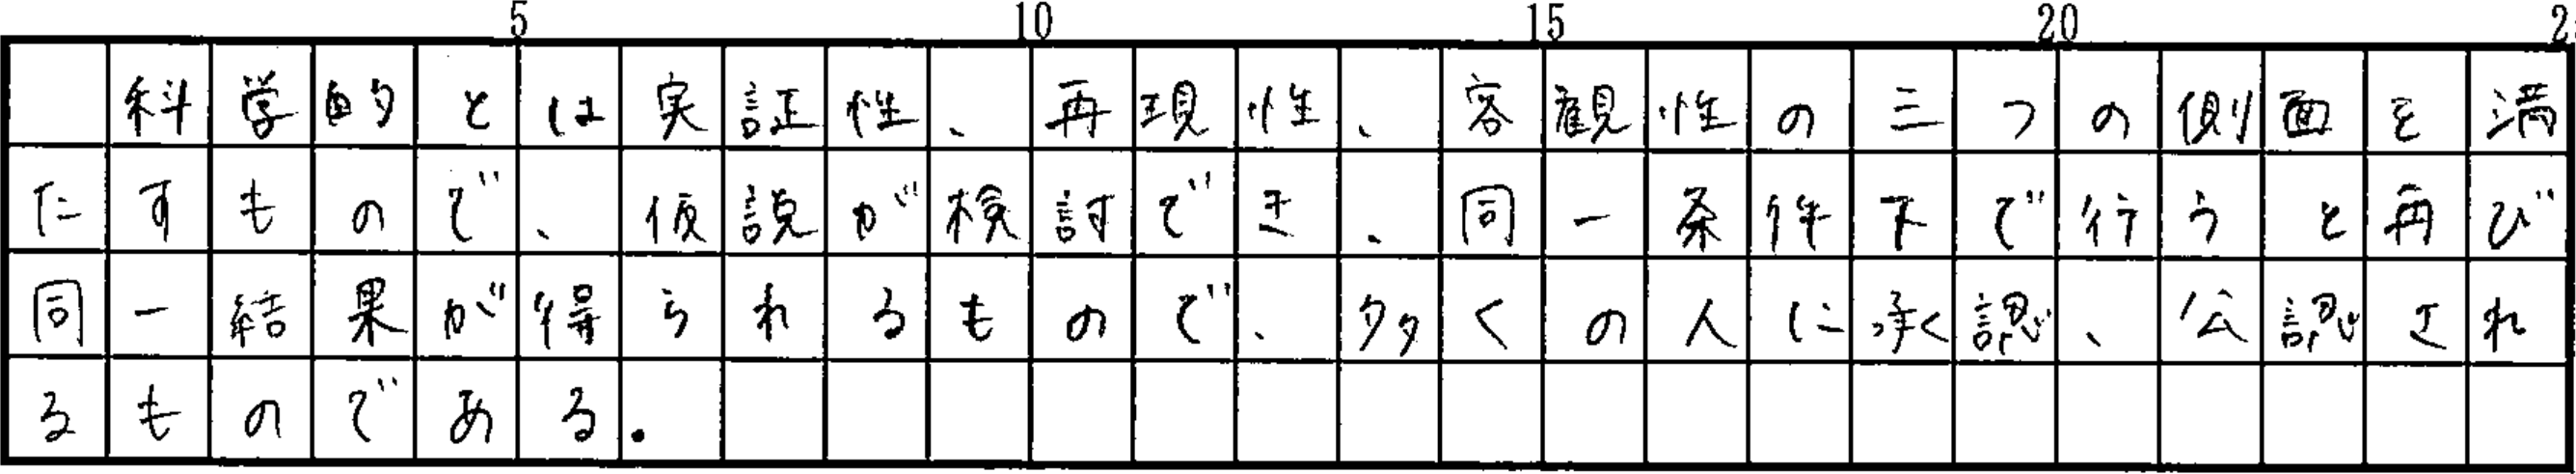　科学的とは実証性、再現性、客観性の三つの側面を満たすもので、仮説が検討でき、同一条件下で行うと再び同一結果が得られるもので、多くの人に承認、公認されるものである。
